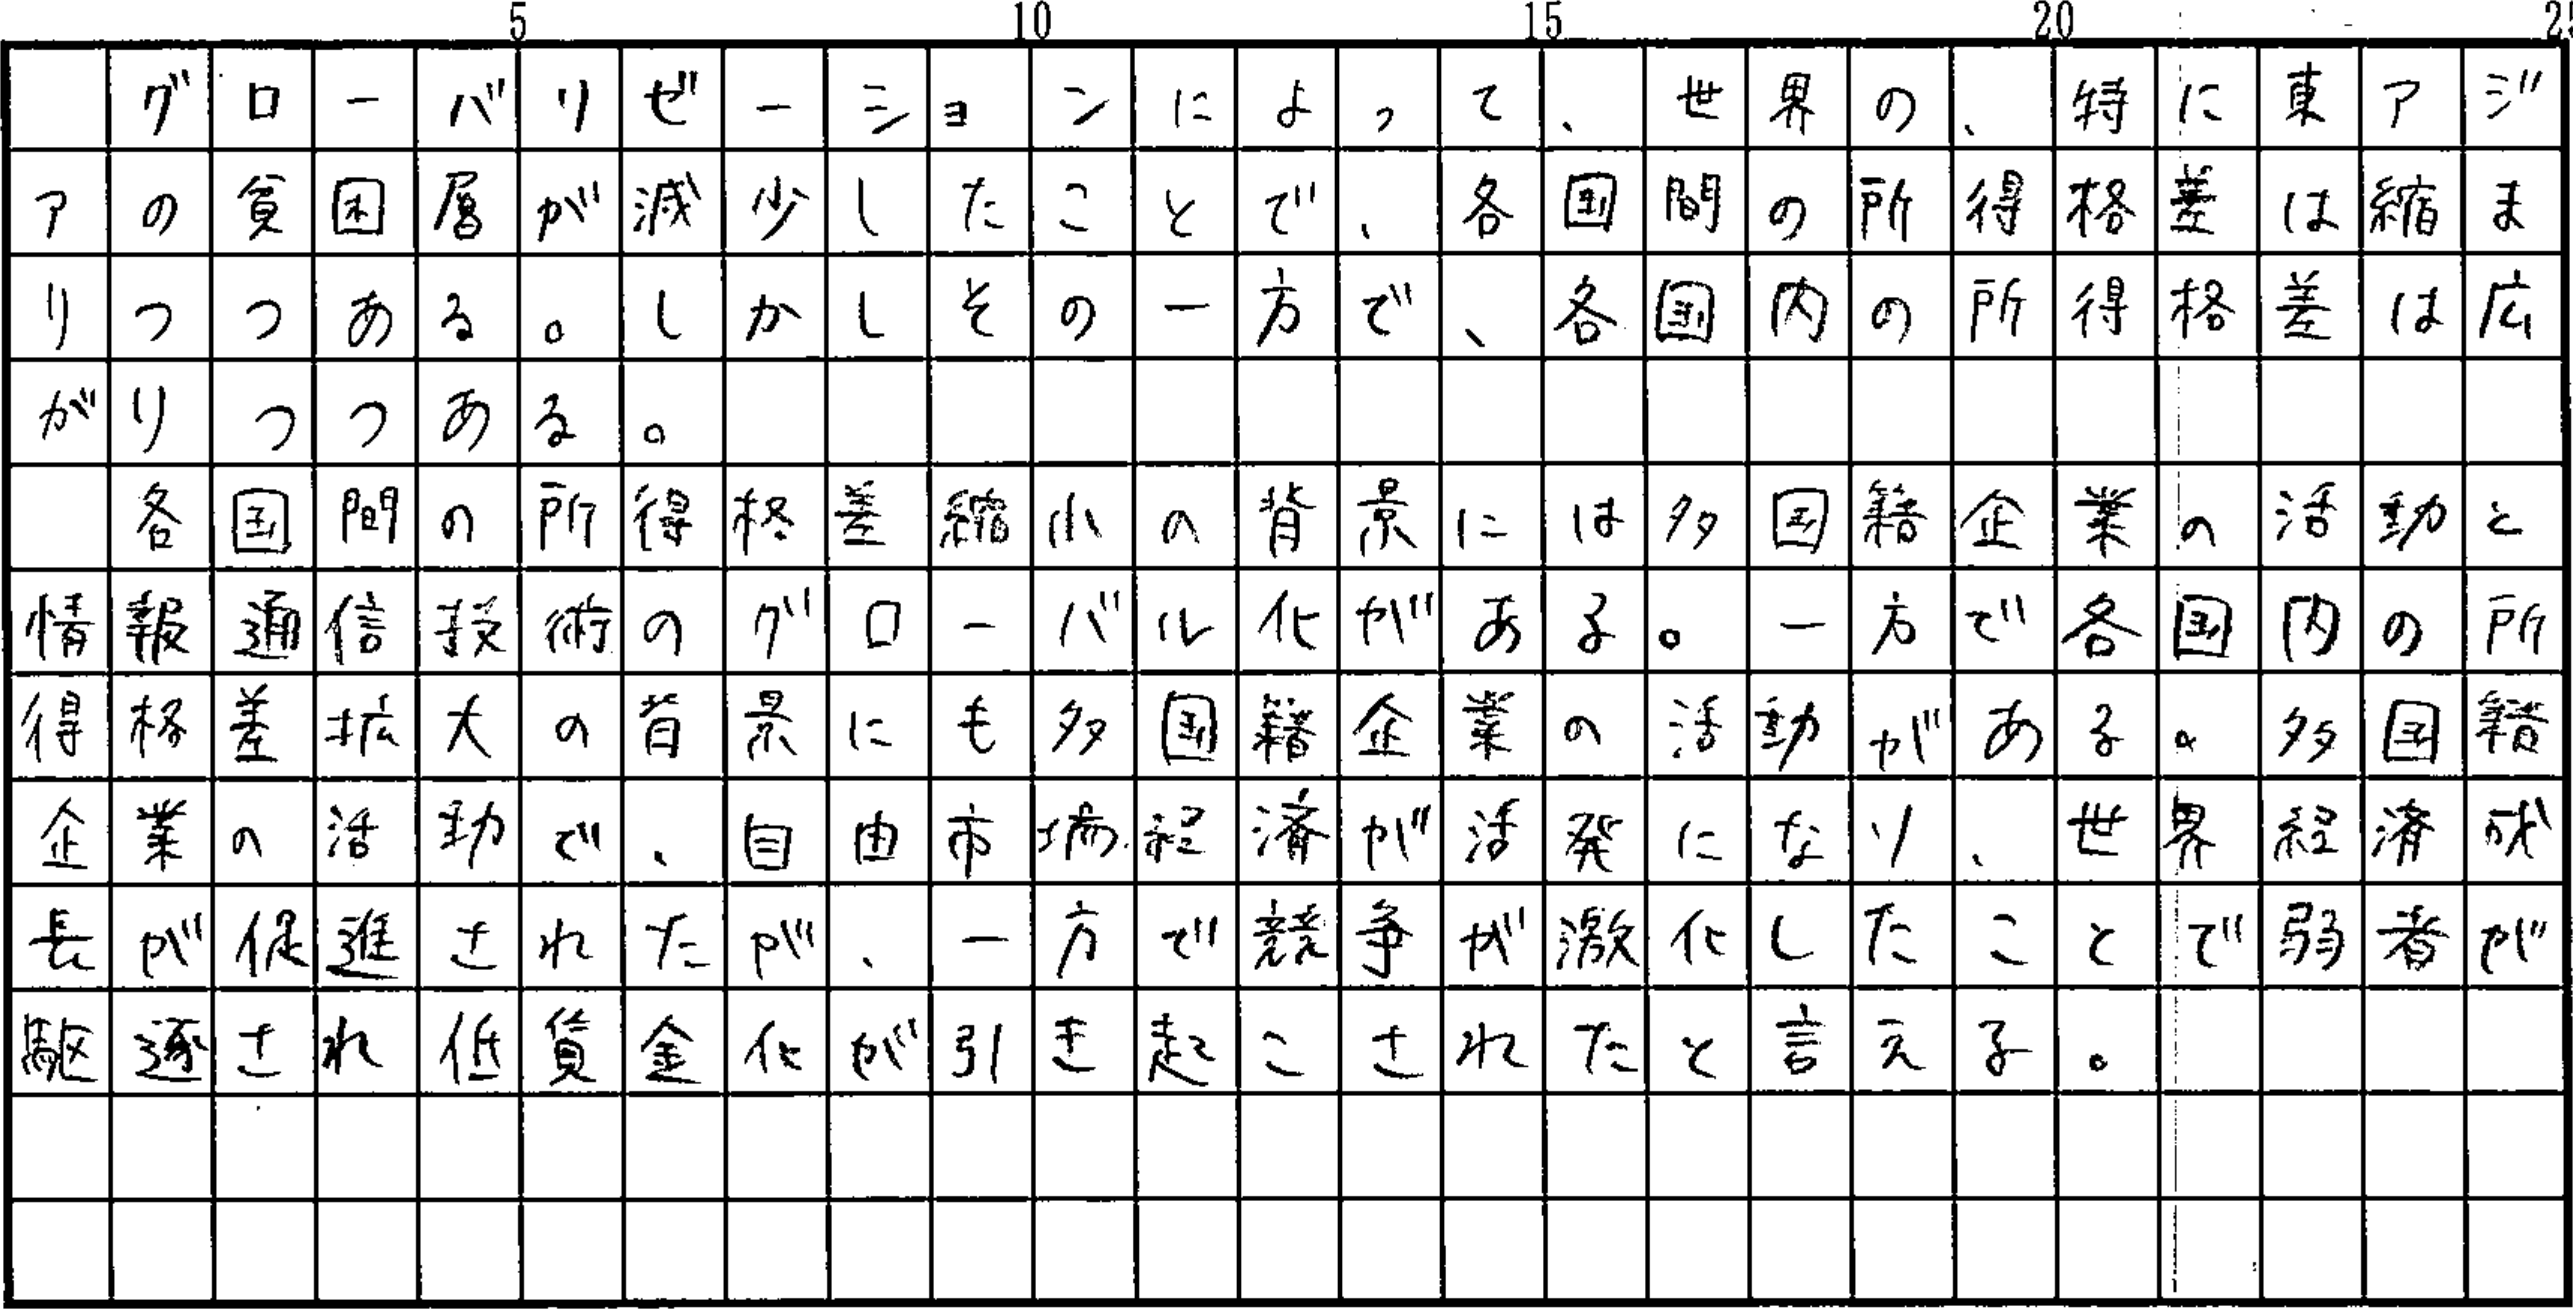　グローバリゼーションによって、世界の、特に東アジアの貧困層が減少したことで、各国間の所得格差は縮まりつつある。しかしその一方で、各国の所得格差は広がりつつある。
　各国間の所得格差縮小の背景には多国籍企業の活動と情報通信技術のグローバル化がある。一方で各国内の所得格差拡大の背景にも多国籍企業の活動がある。多国籍企業の活動で、自由市場経済が活発になり、世界経済成長が促進されたが、一方で競争が激化したことで弱者が駆逐され低賃金化が引き起こされたと言える。
